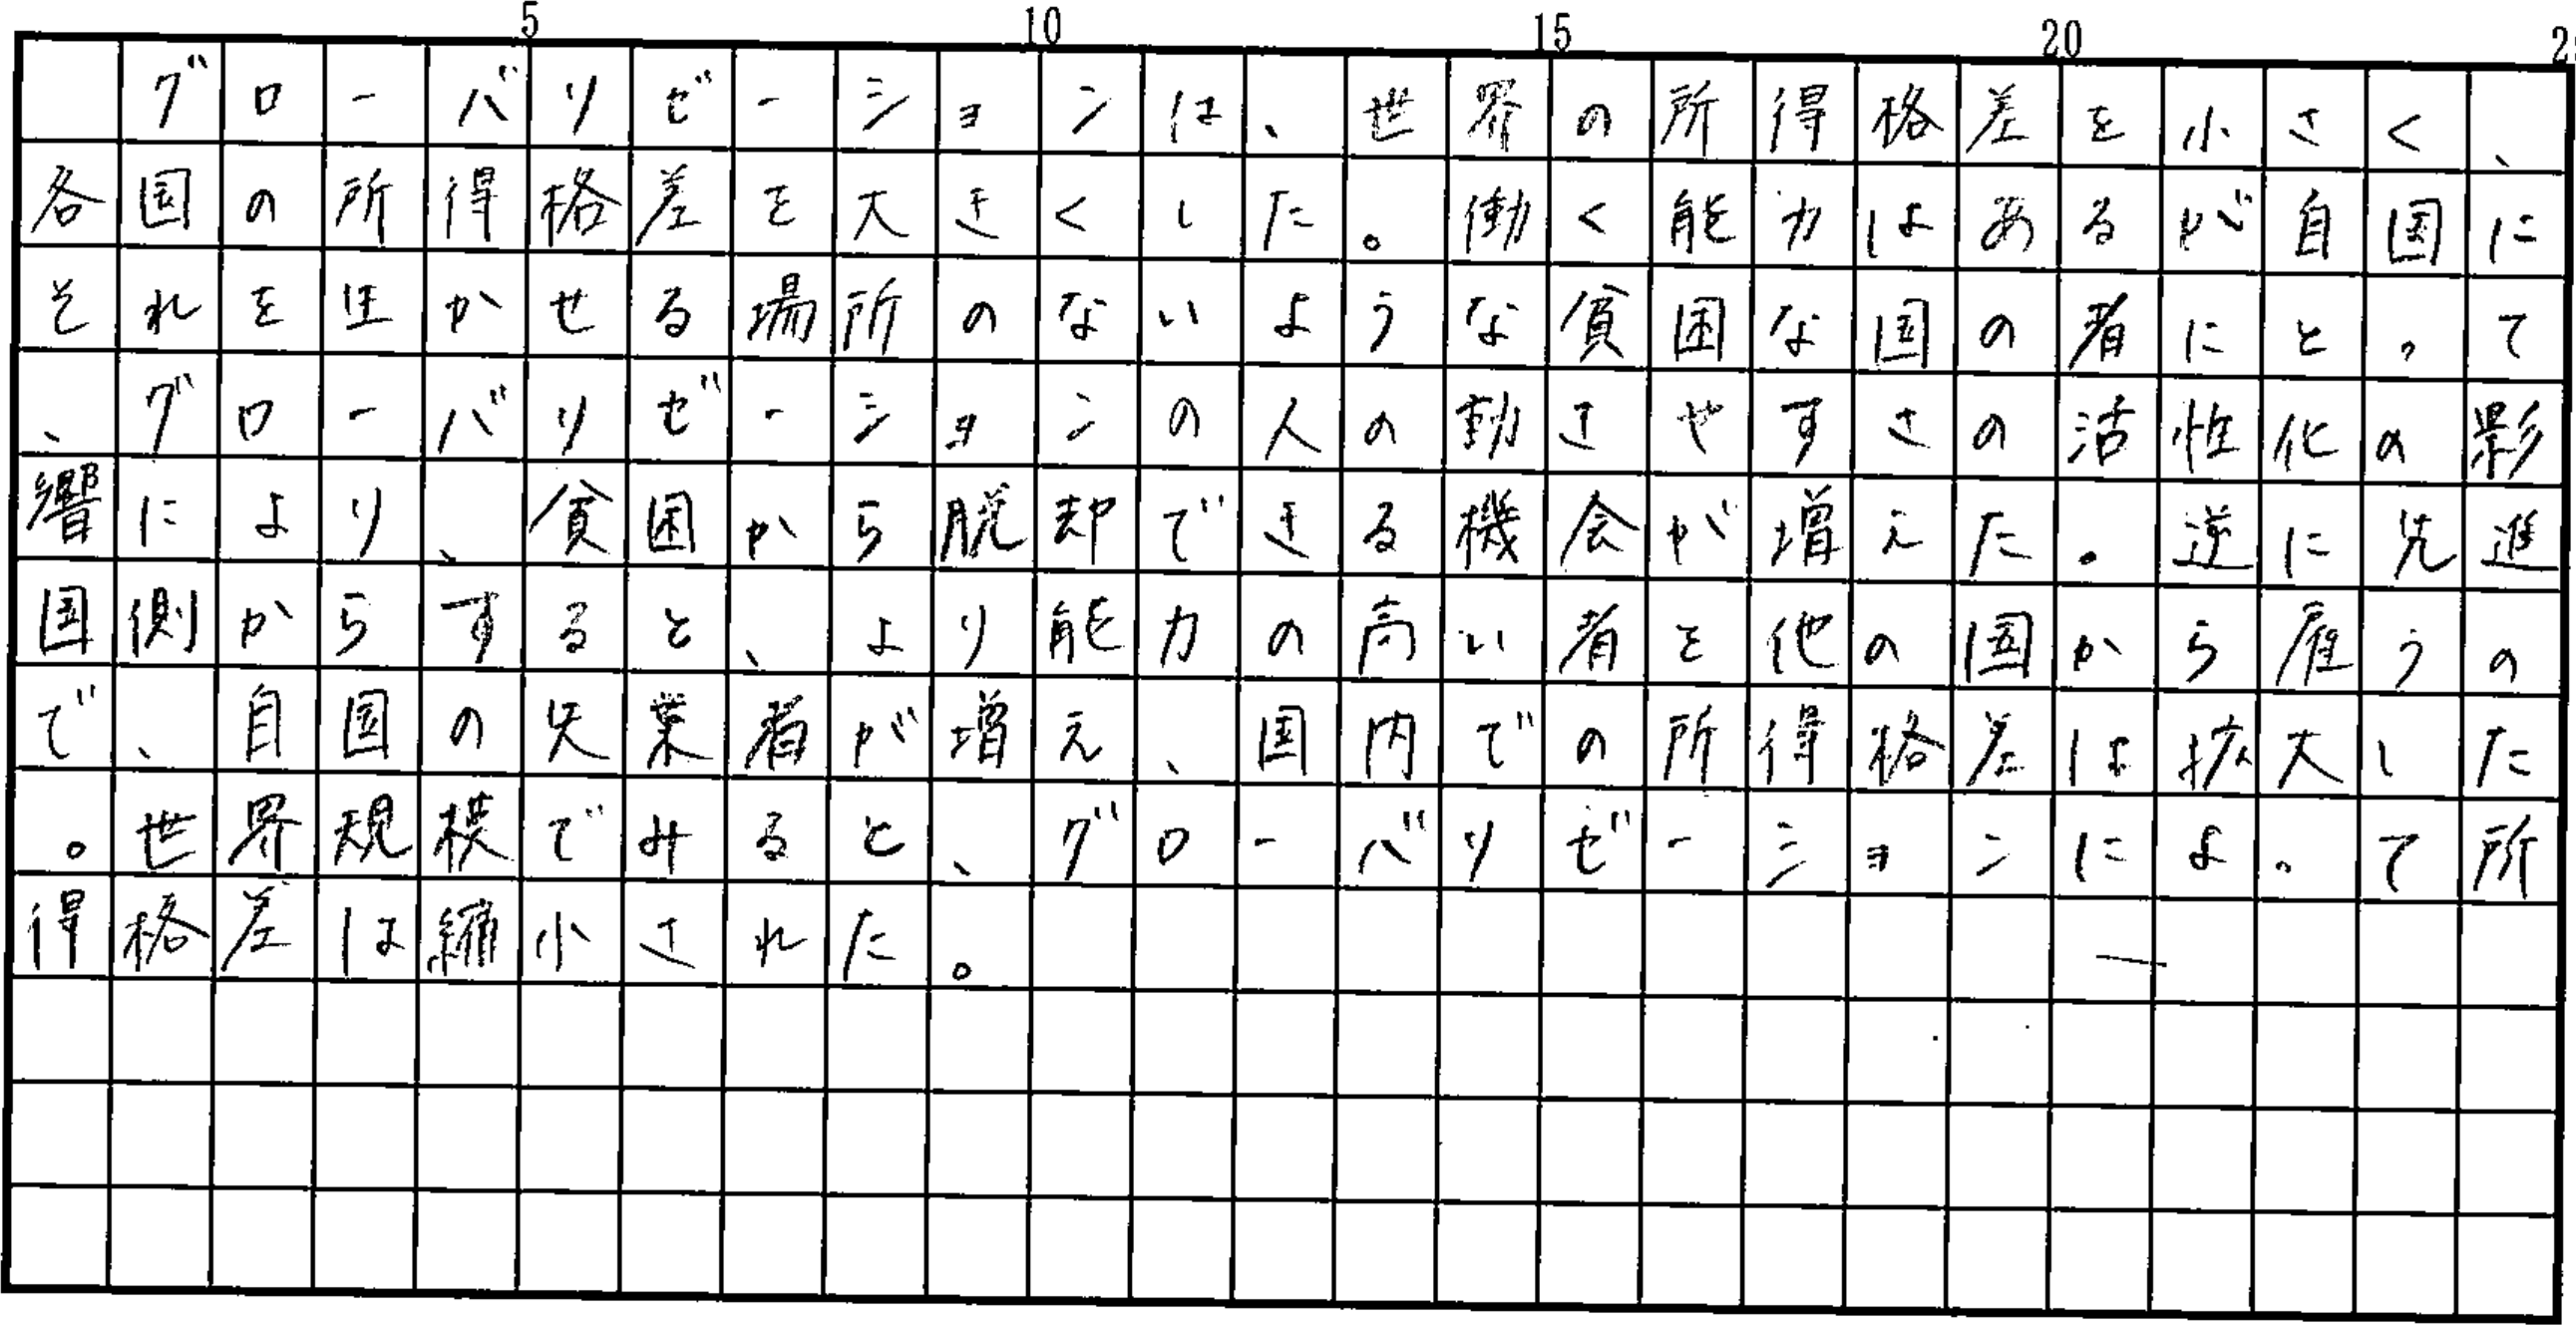　グローバリゼーションは、世界の所得格差を小さく、各国の所得格差を大きくした。働く能力はあるが自国にそれを生かせる場所のないような貧困な国の者にとって、グローバリゼーションの人の動きやすさの活性化の影響により、貧困から脱却できる機会が増えた。逆に先進国側からすると、より能力の高い者を他の国から雇うので、自国の失業者が増え、国内での所得格差は拡大した。世界規模でみると、グローバリゼーションによって所得格差は縮小された。
